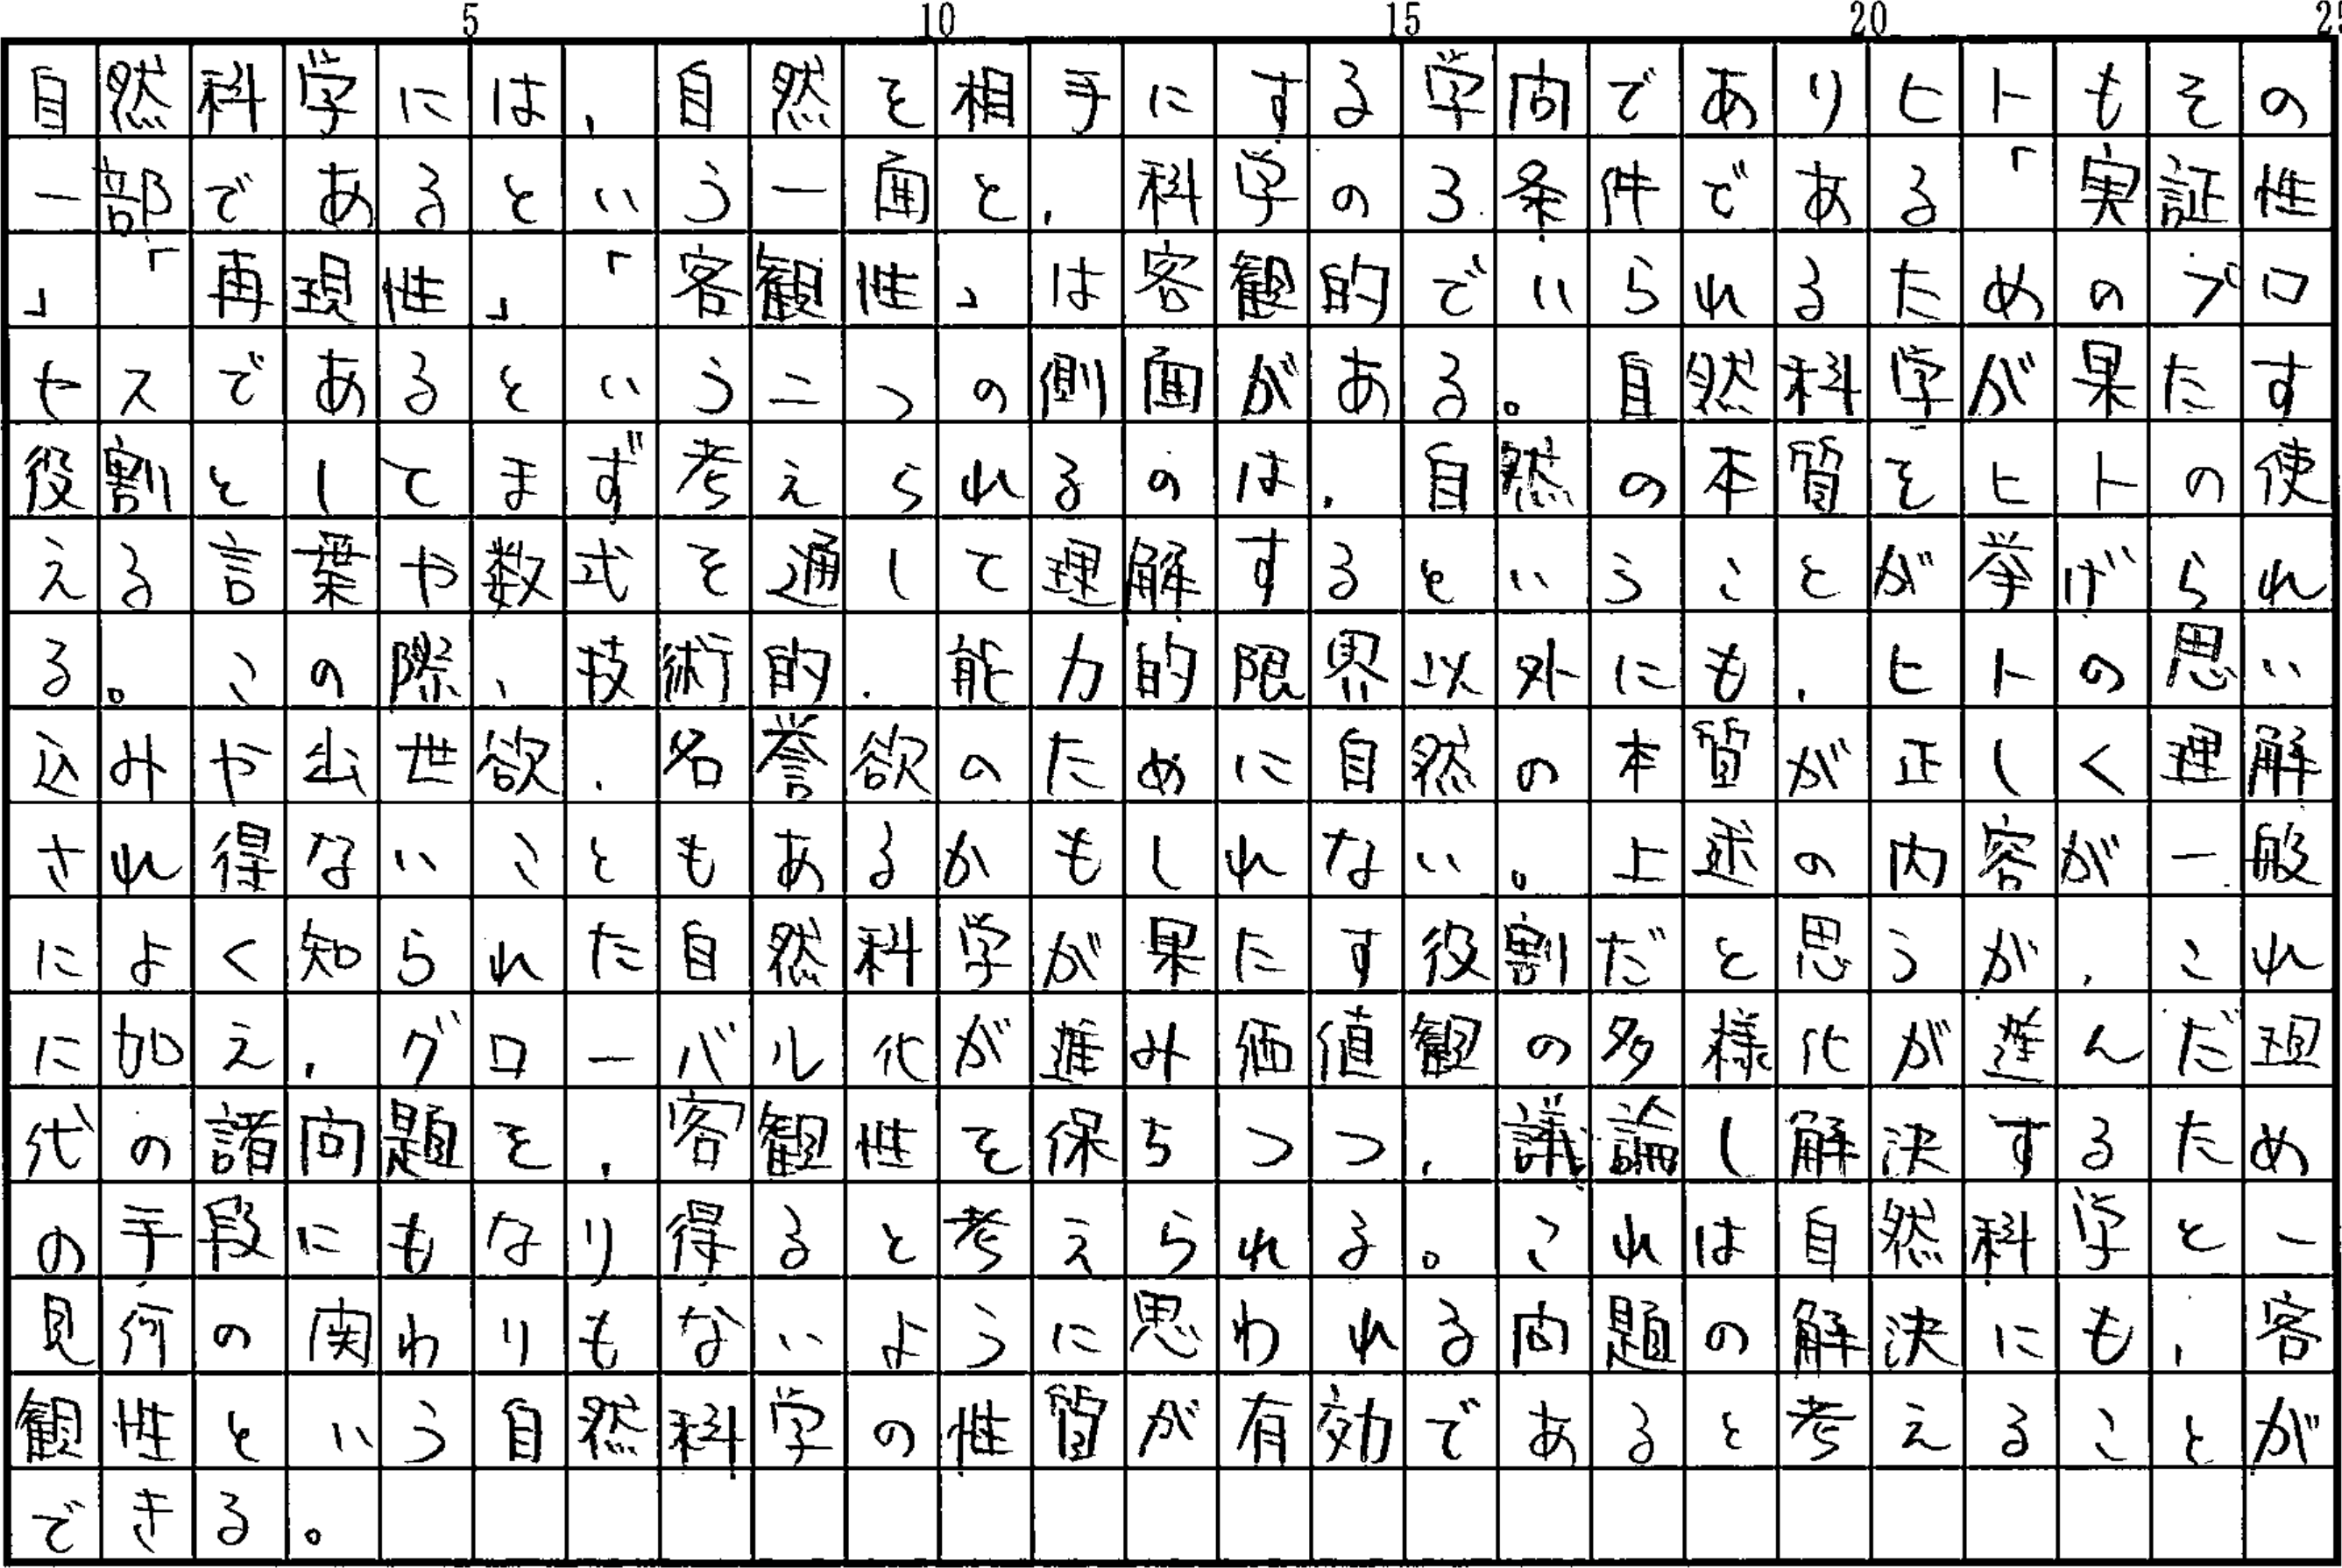自然科学には、自然を相手にする学問でありヒトもその一部であるという一面と、科学の３条件である「実証性」「再現性」「客観性」は客観的でいられるためのプロセスであるという二つの側面がある。自然科学が果たす役割としてまず考えられるのは、自然の本質をヒトの使える言葉や数式を通して理解するということが挙げられる。この際、技術的、能力的限界以外にも、ヒトの思い込みや出世欲、名誉欲のために自然の本質が正しく理解され得ないこともあるかもしれない。上述の内容が一般によく知られた自然科学が果たす役割だと思うが、これに加え、グローバル化が進み価値観の多様性が進んだ現代の諸問題を、客観性を保ちつつ、議論し解決するための手段にもなり得ると考えられる。これは自然科学と一見何の関わりもないように思われる問題の解決にも、客観性という自然科学の性▁が有効であると考えることができる。
